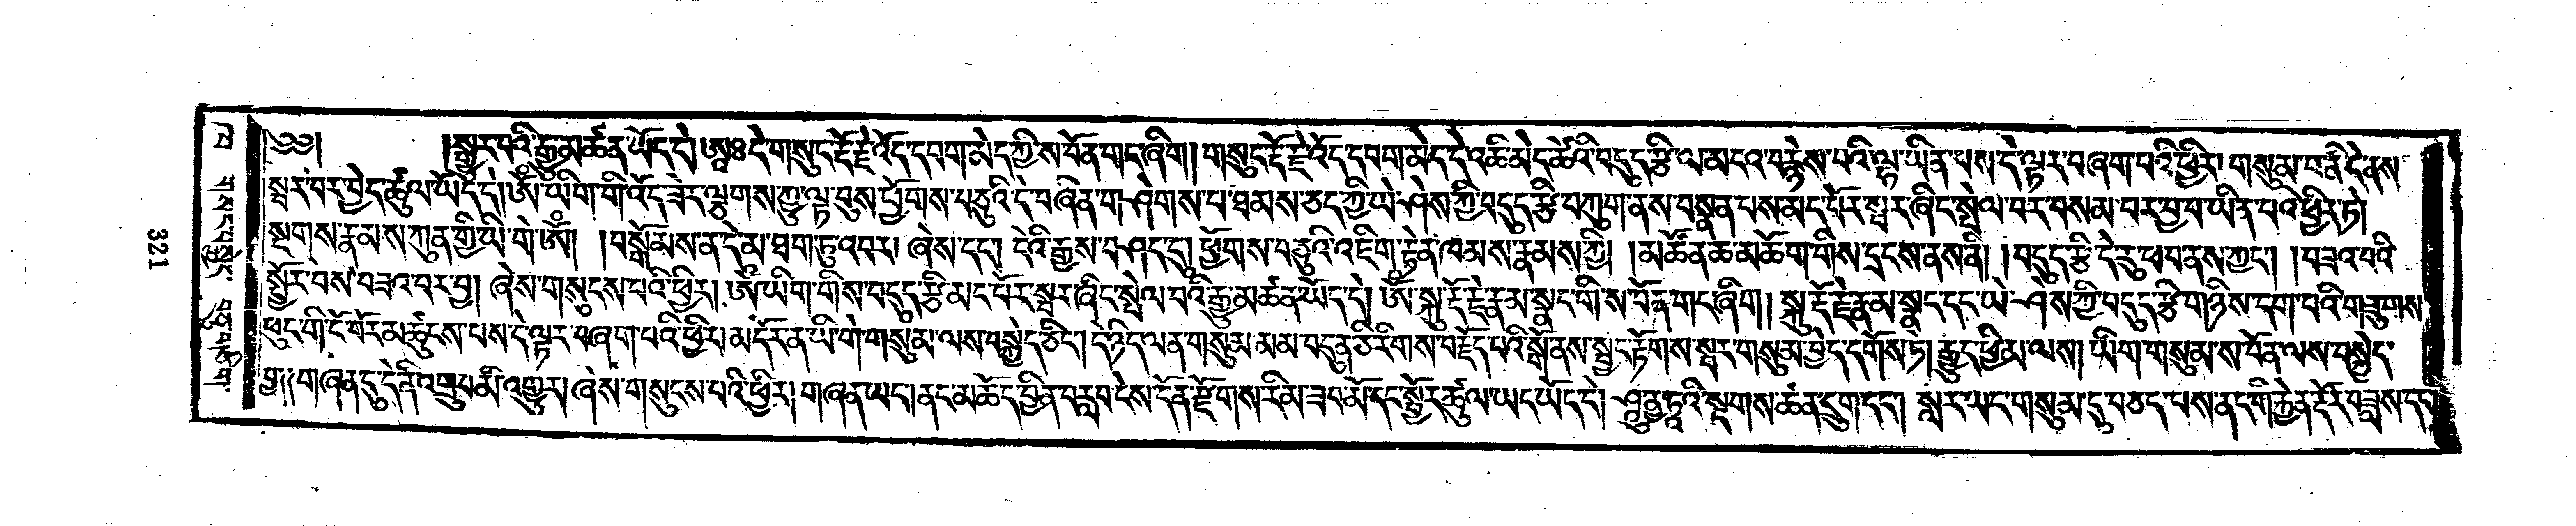༄༅། །སྒྱུར་བའི་རྒྱུ་མཚན་ཡོད་དེ། ཨཱཿ དེ་གསུང་རྡོ་རྗེ་འོད་དཔག་མེད་ཀྱི་ས་བོན་གང་ཞིག །གསུང་རྡོ་རྗེ་འོད་དཔག་མེད་དེ་འཆི་མེད་ཚེའི་བདུད་རྩི་ལ་མངའ་བརྙེས་བའི་ལྷ་ཡིན་པས་དེ་ལྟར་བཞག་པའི་ཕྱིར། གསུམ་པ་ནི་དེ་ནས་
སྦར་བར་བྱེད་ཚུལ་ཡོད་དེ། ཨོཾ་ཡིག་གི་འོད་ཟེར་ལྕགས་ཀྱུ་ལྟ་བུས་ཕྱོགས་བཅུའི་དེ་བཞིན་གཤེགས་པ་ཐམས་ཅད་ཀྱི་ཡེ་ཤེས་ཀྱི་འདུད་རྩི་བཀུག་ནས་བསྣན་པས་མང་པོར་སྦར་ཞིང་སྤེལ་བར་བསམ་པར་བྱ་བ་ཡིན་པའི་ཕྱིར་ཏེ།
སྔགས་རྣམས་ཀུན་གྱི་ཡེ་གེ་ཨོཾ། །བསྒོམས་ན་རེ་མ་ཐག་ཏུ་འབར། ཞེས་དང་། དེའི་རྒྱས་བཤད་དུ། ཕྱོགས་བཅུའི་འཇིག་རྟེན་ཁམས་རྣམས་ཀྱི། །མཚོན་ཆ་མཆོག་གིས་དྲངས་ནས་ནི། །བདུད་རྩི་དེ་རུ་ཕབ་ནས་ཀྱང་། །བཟའ་བའི་
སྦྱོར་བས་བཟའ་བར་བྱ། ཞེས་གསུངས་པའི་ཕྱིར། ཨོཾ་ཡིག་གིས་བདུད་རྩི་མང་པོར་སྦར་ཞིང་སྤེལ་བའི་རྒྱུ་མཚན་ཡོད་དེ། ཨོཾ་སྐུ་རྡོ་རྗེ་རྣམ་སྣང་གི་ས་བོན་གང་ཞིག །སྐུ་རྡོ་རྗེ་རྣམ་སྣང་དང་ཡེ་ཤེས་ཀྱི་བདུད་རྩི་གཉིས་དགེ་བའི་གཟུགས་
ཕུང་གི་ངོ་བོར་མཚུངས་པས་དེ་ལྟར་བཞག་པའི་ཕྱིར། མདོར་ན་ཡི་གེ་གསུམ་ལས་བསྐྱེད་ཅིང་། དེ་ཉིད་ལན་གསུམ་མམ་བདུན་ཅི་རིགས་བརྗོད་པའི་སྒོ་ནས་སྦྱང་རྟོགས་སྦར་གསུམ་བྱེད་དགོས་ཏེ། རྒྱུད་ཕྱི་མ་ལས། ཡིག་གསུམ་ས་བོན་ལས་བསྐྱེད་
བྱ༑ ༑གཞན་དུ་དེ་ནི་འགྲུབ་མི་འགྱུར། ཞེས་གསུངས་པའི་ཕྱིར། གཞན་ཡང་། ནང་མཆོད་བྱིན་བརླབ་ངེས་དོན་རྫོགས་རིམ་ཟབ་མོ་དང་སྦྱོར་ཚུལ་ཡང་ཡོད་དེ། ཤཱུ་ནྱ་ཏཱིའི་སྔགས་ཚན་དྲུག་དང་། སླར་ཡང་གསུམ་དུ་བཅུད་པས་ནང་གི་རྐྱེན་རྡོར་བཟླས་དང་